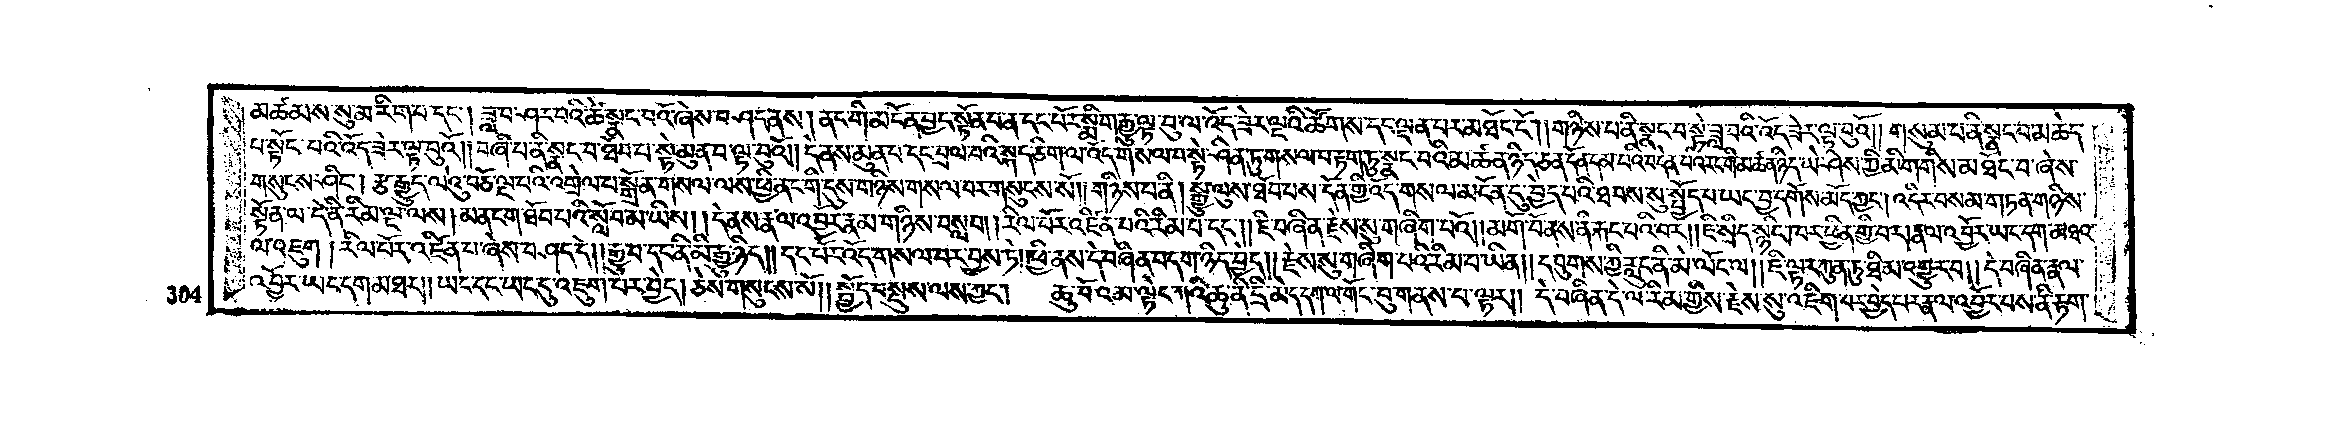མཚམས་སུ་མ་རིག་པ་དང་། ཟླ་བ་ཤར་བའི་ཚེ་སྣང་བའོ་ཞེས་བཤད་ནས། ནང་གི་མངོན་བྱང་སྟོན་པ་ན་དང་པོར་སྨིག་རྒྱུ་ལྟ་བུ་ལ་འོད་ཟེར་ལྔའི་ཚོགས་དང་ལྡན་པར་མཐོང་ངོ། །གཉིས་པ་ནི་སྣང་བ་སྟེ་ཟླ་བའི་འོད་ཟེར་ལྟ་བུའོ། །གསུམ་པ་ནི་སྣང་བ་མཆེད་
པ་སྟོང་པའི་འོད་ཟེར་ལྟ་བུའོ། །བཞི་པ་ནི་སྣང་བ་ཐོབ་པ་སྟེ་མུན་པ་ལྟ་བུའོ། །དེ་ནས་མུན་པ་དང་བྲལ་བའི་སྐད་ཅིག་ལ་འོད་གསལ་བ་སྟེ་ཤིན་ཏུ་གསལ་བ་རྟག་ཏུ་སྣང་བའི་མཚན་ཉིད་ཅན་དོན་དམ་པའི་བདེན་པའི་རང་གི་མཚན་ཉིད་ཡེ་ཤེས་ཀྱི་མིག་གིས་མཐོང་བ་ཞེས་
གསུངས་ཤིང་། རྩ་རྒྱུད་ལེའུ་བཅོ་ལྔ་པའི་འགྲེལ་པ་སྒྲོན་གསལ་ལས་ཕྱི་ནང་གི་དུས་གཉིས་གསལ་བར་གསུངས་སོ། །གཉིས་པ་ནི། སྒྱུ་ལུས་ཐོབ་པས་དོན་གྱི་འོད་གསལ་མངོན་དུ་བྱེད་པའི་ཐབས་སུ་སྤྱོད་པ་ཡང་བྱ་དགོས་མོད་ཀྱང་། འདིར་བསམ་གཏན་གཉིས་
སྟོན་ལ་དེ་ནི་རིམ་ལྔ་ལས། མན་ངག་ཐོབ་པའི་སློབ་མ་ཡིས། །དེ་ནས་རྣལ་འབྱོར་རྣམ་གཉིས་བསླབ། །རིལ་པོར་འཛིན་པའི་རིམ་པ་དང་། །ཇི་བཞིན་རྗེས་སུ་གཞིག་པའོ། །མགོ་བོ་ནས་ནི་རྐང་བའི་བར། །ཇི་སྲིད་སྙིང་ཁར་ཕྱིན་གྱི་བར། རྣལ་འབྱོར་ཡང་དག་མཐའ་
ལ་འཇུག །རིལ་པོར་འཛིན་པ་ཞེས་བཤད་དེ། །རྒྱུ་བ་དང་ནི་མི་རྒྱུ་ཉིད། །དང་པོར་འོད་གསལ་བར་བྱས་ཏེ། །ཕྱི་ནས་དེ་བཞིན་བདག་ཉིད་བྱེད། །རྗེས་སུ་གཞིག་པའི་རིམ་པ་ཡིན། །དབུགས་ཀྱི་རླུང་ནི་མེ་ལོང་ལ། །ཇི་ལྟར་ཀུན་ཏུ་ཐིམ་འགྱུར་བ། །དེ་བཞིན་རྣལ་
འབྱོར་ཡང་དག་མཐར། །ཡང་དང་ཡང་དུ་འཇུག་པར་བྱེད། ཅེས་གསུངས་སོ། །སྤྱོད་བསྡུས་ལས་ཀྱང་། ཆུ་བོའམ་ལྟེང་ཀའི་ཆུ་ནི་དྲི་མེད་དག་ལ་གོང་བུ་གནས་པ་ལྟར། དེ་བཞིན་དེ་ལ་རིམ་གྱིས་རྗེས་སུ་འཇིག་པར་བྱེད་པར་རྣལ་འབྱོར་པས་ནི་རྟག་